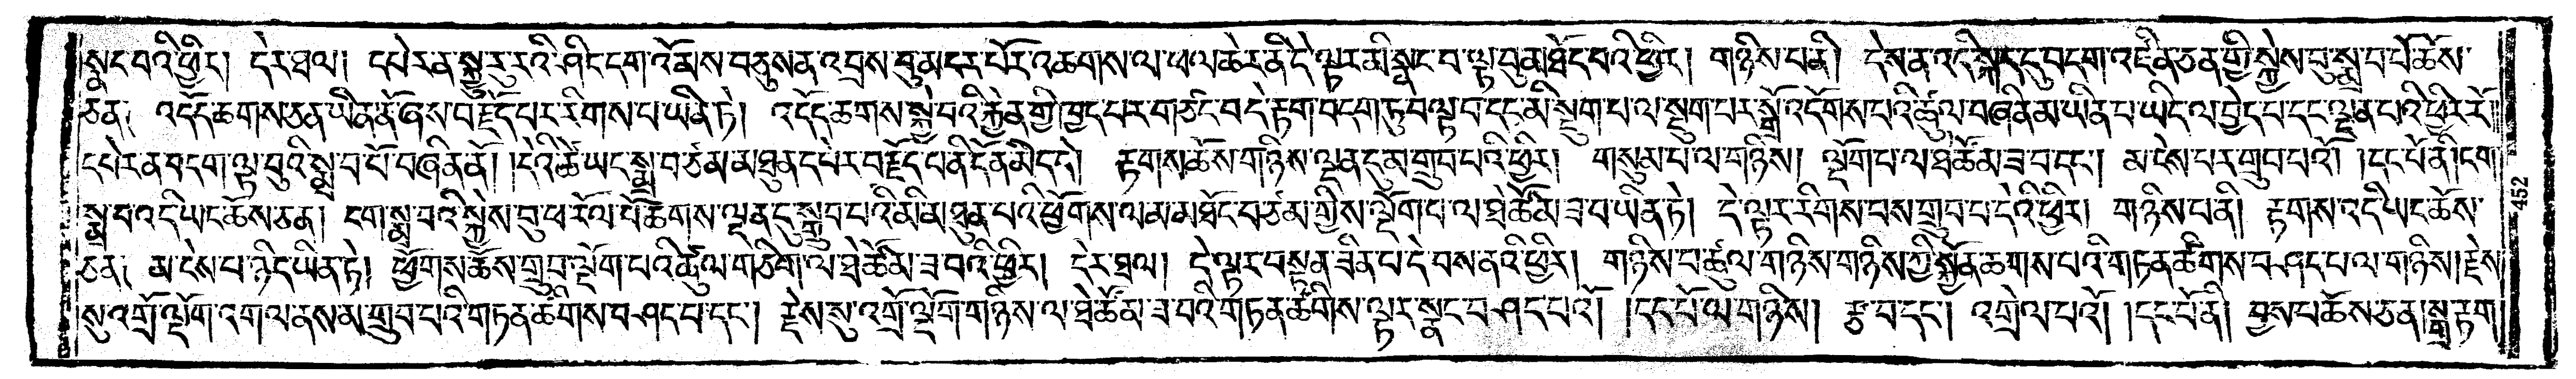སྣང་བའི་ཕྱིར། དེར་ཐལ། དཔེར་ན་སྐྱུ་རུ་རའི་ཤིང་དག་འོ་མས་བཅུས་ན་འབྲས་བུ་མངར་པོར་འཆགས་ལ་ཕལ་ཆེར་ནི་དེ་ལྟར་མི་སྣང་བ་ལྟ་བུ་མཐོང་བའི་ཕྱིར། གཉིས་པ་ནི། དེས་ན་འདི་སྐད་དུ་བདག་འཛིན་ཅན་གྱི་སྐྱེས་བུ་སྨྲ་བ་པོ་ཆོས་
ཅན༑ འདོད་ཆགས་ཅན་ཡིན་ནོ་ཞེས་བརྗོད་པར་རིགས་པ་ཡིན་ཏེ། འདོད་ཆགས་སྐྱེ་བའི་རྐྱེན་གྱི་ཁྱད་པར་གཙང་བ་དེ་རྟག་བདག་ཏུ་བལྟ་བ་དང་མི་སྡུག་པ་ལ་སྡུག་པར་སྒྲོ་འདོགས་པའི་ཚུལ་བཞིན་མ་ཡིན་པ་ཡིད་ལ་བྱེད་པ་དང་ལྡན་པའི་ཕྱིར་རོ།།
དཔེར་ན་བདག་ལྟ་བུའི་སྨྲ་བ་པོ་བཞིན་ནོ། །དེའི་ཚེ་ཡང་སྨྲ་བ་ཙམ་མཐུན་དཔེར་བརྗོད་པ་ནི་དོན་མེད་དེ། རྟགས་ཆོས་གཉིས་ལྡན་དུ་མ་གྲུབ་པའི་ཕྱིར། གསུམ་པ་ལ་གཉིས། ལྡོག་པ་ལ་ཐེ་ཚོམ་ཟ་བ་དང་། མ་ངེས་པར་གྲུབ་པའོ། །དང་པོ་ནི། ངག་
སྨྲ་བ་འདི་ཡང་ཆོས་ཅན། ངག་སྨྲ་བའི་སྐྱེས་བུ་ཕ་རོལ་པོ་ཆགས་ལྡན་དུ་སྒྲུབ་པའི་མི་མཐུན་པའི་ཕྱོགས་ལ་མ་མཐོང་བ་ཙམ་གྱིས་ལྡོག་པ་ལ་ཐེ་ཚོམ་ཟ་བ་ཡིན་ཏེ། དེ་ལྟར་རིགས་པས་གྲུབ་པ་དེའི་ཕྱིར། གཉིས་པ་ནི། རྟགས་འདི་ཡང་ཆོས་
ཅན༑ མ་ངེས་པ་ཉིད་ཡིན་ཏེ། ཕྱོགས་ཆོས་གྲུབ་ལྡོག་པའི་ཚུལ་གཅིག་ལ་ཐེ་ཚོམ་ཟ་བའི་ཕྱིར། དེར་ཐལ། དེ་ལྟར་བསྟན་ཟིན་པ་དེ་བས་ནའི་ཕྱིར། གཉིས་པ་ཚུལ་གཉིས་གཉིས་ཀྱི་སྐྱོན་ཆགས་པའི་གཏན་ཚིགས་བཤད་པ་ལ་གཉིས། རྗེས་
སུ་འགྲོ་ལྡོག་འགལ་ནས་མ་གྲུབ་པའི་གཏན་ཚིགས་བཤད་པ་དང་། རྗེས་སུ་འགྲོ་ལྡོག་གཉིས་ལ་ཐེ་ཚོམ་ཟ་བའི་གཏན་ཚིགས་ལྟར་སྣང་བཤད་པའོ། །དང་པོ་ལ་གཉིས། རྩ་བ་དང་། འགྲེལ་པའོ། །དང་པོ་ནི། བྱས་པ་ཆོས་ཅན། སྒྲ་རྟག་